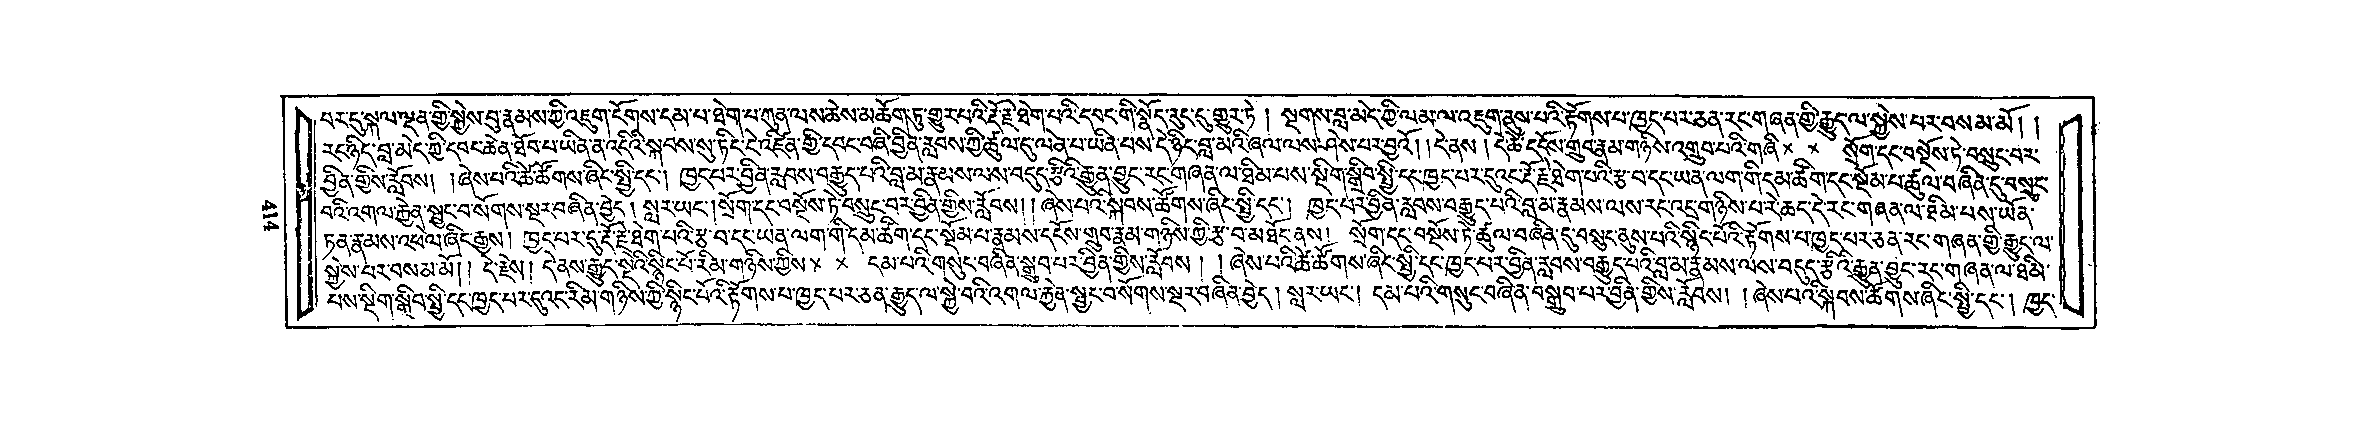བར་དུ་སྐལ་ལྡན་གྱི་སྐྱེས་བུ་རྣམས་ཀྱི་འཇུག་ངོགས་དམ་པ་ཐེག་པ་ཀུན་ལས་ཆེས་མཆོག་ཏུ་གྱུར་པའི་རྡོ་རྗེ་ཐེག་པའི་དབང་གི་སྣོད་རུང་དུ་གྱུར་ཏེ། སྔགས་བླ་མེད་ཀྱི་ལམ་ལ་འཇུག་ནུས་པའི་རྟོགས་པ་ཁྱད་པར་ཅན་རང་གཞན་གྱི་རྒྱུད་ལ་སྐྱེས་པར་བསམ་མོ། །
རང་ཉིད་བླ་མེད་ཀྱི་དབང་ཆེན་ཐོབ་པ་ཡིན་ན་འདིའི་སྐབས་སུ་ཏིང་ངེ་འཛིན་གྱི་དབང་བཞི་བྱིན་རླབས་ཀྱི་ཚུལ་དུ་ལེན་པ་ཡིན་པས་དེ་ཉིད་བླ་མའི་ཞལ་ལས་ཤེས་པར་བྱའོ། །དེ་ནས། དེ་ཚེ་དངོས་གྲུབ་རྣམ་གཉིས་འགྲུབ་པའི་གཞི་྾་྾་སྲོག་དང་བསྔོས་ཏེ་བསྲུང་བར་
བྱིན་གྱིས་རློབས། །ཞེས་པའི་ཚེ་ཚོགས་ཞིང་སྤྱི་དང་། ཁྱད་པར་བྱིན་རླབས་བརྒྱུད་པའི་བླ་མ་རྣམས་ལས་བདུད་རྩིའི་རྒྱུན་བྱུང་རང་གཞན་ལ་ཐིམ་པས་སྡིག་སྒྲིབ་སྤྱི་དང་ཁྱད་པར་དུའང་རྡོ་རྗེ་ཐེག་པའི་རྩ་བ་དང་ཡན་ལག་གི་དམ་ཚིག་དང་སྡོམ་པ་ཚུལ་བཞིན་དུ་བསྲུང་
བའི་འགལ་རྐྱེན་སྦྱང་བ་སོགས་སྔར་བཞིན་བྱེད། སླར་ཡང་། སྲོག་དང་བསྔོས་ཏེ་བསྲུང་བར་བྱིན་གྱིས་རློབས། །ཞེས་པའི་སྐབས་ཚོགས་ཞིང་སྤྱི་དང་། ཁྱད་པར་བྱིན་རླབས་བརྒྱུད་པའི་བླ་མ་རྣམས་ལས་རང་འདྲ་གཉིས་པ་རེ་ཆད་དེ་རང་གཞན་ལ་ཐིམ་པས་ཡོན་
ཏན་རྣམས་འཕེལ་ཞིང་རྒྱས། ཁྱད་པར་དུ་རྡོ་རྗེ་ཐེག་པའི་རྩ་བ་དང་ཡན་ལག་གི་དམ་ཚིག་དང་སྡོམ་པ་རྣམས་དངོས་གྲུབ་རྣམ་གཉིས་ཀྱི་རྩ་བ་མཐོང་ནས། སྲོག་དང་བསྔོས་ཏེ་ཚུལ་བཞིན་དུ་བསྲུང་ནུས་པའི་སྙིང་པོའི་རྟོགས་པ་ཁྱད་པར་ཅན་རང་གཞན་གྱི་རྒྱུད་ལ་
སྐྱེས་པར་བསམ་མོ། །དེ་རྗེས། དེ་ནས་རྒྱུད་སྡེའི་སྙིང་པོ་རིམ་གཉིས་ཀྱིས་྾་྾་དམ་པའི་གསུང་བཞིན་སྒྲུབ་པར་བྱིན་གྱིས་རློབས། །ཞེས་པའི་ཚེ་ཚོགས་ཞིང་སྤྱི་དང་ཁྱད་པར་བྱིན་རླབས་བརྒྱུད་པའི་བླ་མ་རྣམས་ལས་བདུད་རྩིའི་རྒྱུན་བྱུང་རང་གཞན་ལ་ཐིམ་
པས་སྡིག་སྒྲིབ་སྤྱི་དང་ཁྱད་པར་དུའང་རིམ་གཉིས་ཀྱི་སྙིང་པོའི་རྟོགས་པ་ཁྱད་པར་ཅན་རྒྱུད་ལ་སྐྱེ་བའི་འགལ་རྐྱེན་སྦྱང་བ་སོགས་སྔར་བཞིན་བྱེད། སླར་ཡང་། དམ་པའི་གསུང་བཞིན་བསྒྲུབ་པར་བྱིན་གྱིས་རློབས། །ཞེས་པའི་སྐབས་ཚོགས་ཞིང་སྤྱི་དང་། ཁྱད་